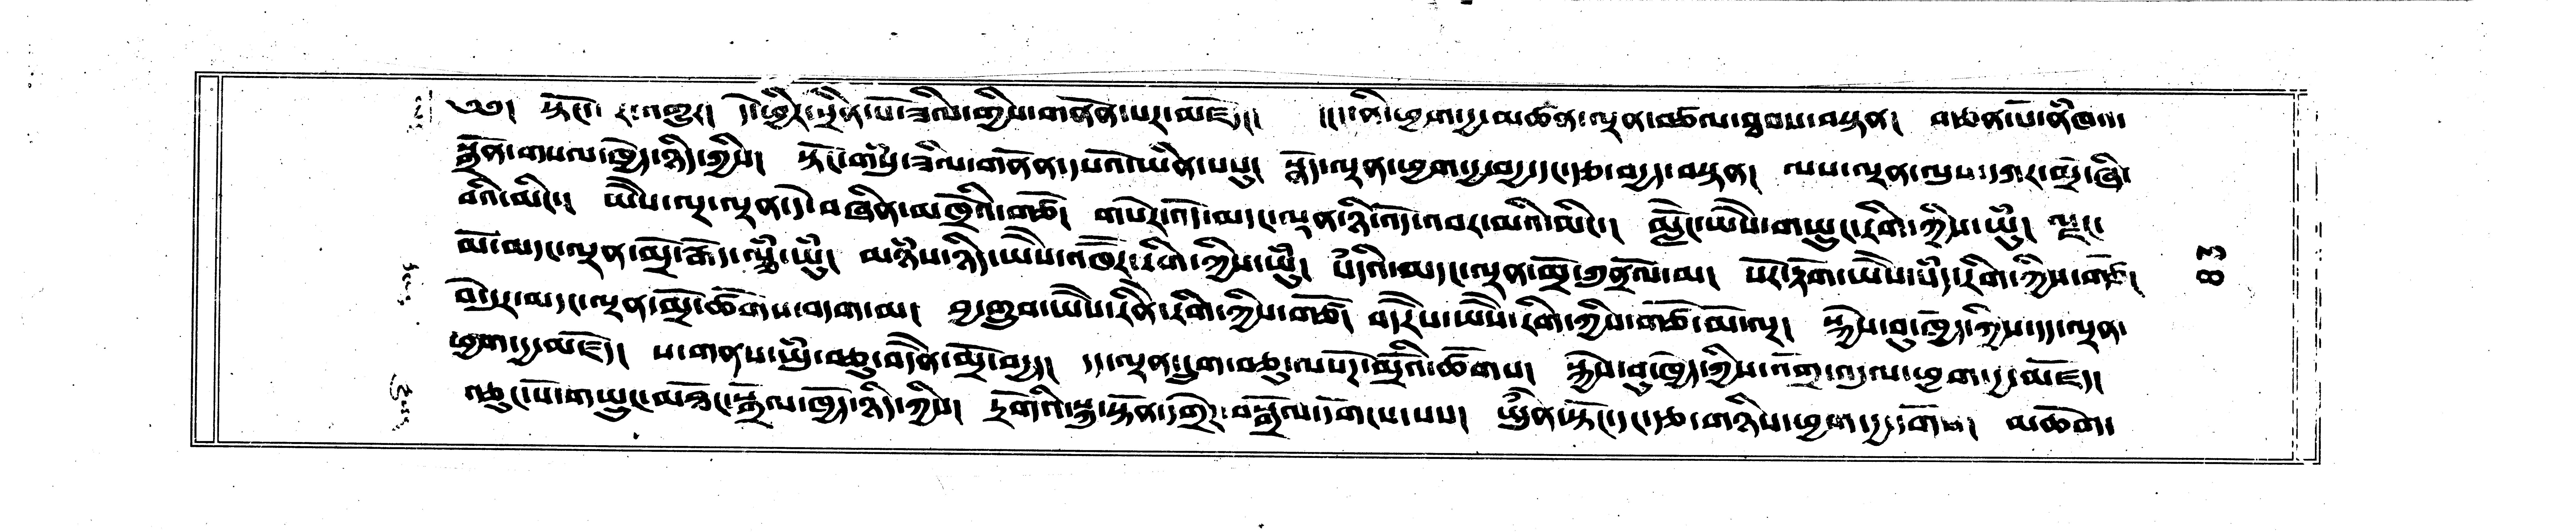སྟོང་པར་འགྱུར། དེ་ཕྱིར་སྲིན་པོ་ཟིལ་གྱིས་གནོན་པར་མཛོད། ང་ནི་ཕྱག་རྒྱ་མཚན་ལྡན་བཙལ་ཐབས་བསྟན། གཅེན་པོ་ནམ་མཁའ་
སྒྲོན་གསལ་ཁྱེད་ཉིད་ཀྱིས། སྟོང་གསུམ་ཟིལ་གནོན་དཔའ་བོ་ཡིན་པས་སུ། སྣོད་ལྡན་ཕྱག་རྒྱ་བརྒྱ་དང་རྩ་བརྒྱད་བསྟན། ལས་ལྡན་ལུས་དཀར་མཁའ་འགྲོ་ཞི་
བའི་མིང་། ཡེ་ཤེས་ལྔ་ལྡན་དེ་བཞིན་མཁའ་འགྲོའི་གཙོ། གསེར་འོད་མདངས་ལྡན་ཉི་འོད་འབར་མའི་མིང་། མེ་ལོང་ཡེ་ཤེས་གཡུང་དྲུང་རིགས་ཀྱི་ཡུམ། ལྗང་
མོ་མདངས་ལྡན་མཁའ་འགྲོ་རྒོད་ལྕམ་ཡུམ། མཉམ་ཉིད་ཡེ་ཤེས་འཁོར་ལོ་རིགས་ཀྱི་ཡུམ། པད་མའི་མདངས་ལྡན་མཁའ་འགྲོ་ཀུན་སྒྲོལ་མ། སོར་རྟོག་ཡེ་ཤེས་པད་མ་རིགས་ཀྱི་གཙོ། 
བཱཻ་ཌཱུར་མདངས་ལྡན་མཁའ་འགྲོ་ཚོགས་བདག་མ། བྱ་གྲུབ་ཡེ་ཤེས་རིན་ཆེན་རིགས་ཀྱི་གཙོ། བདེར་གཤེགས་ཡེ་ཤེས་རིགས་ཀྱི་གཙོ་མོ་ལྔ། སྐྱེས་བུ་ཁྱོད་ཀྱིས་དད་ལྡན་
ཕྱག་རྒྱ་མཛོད། ས་གནས་ཡུམ་བཅུ་བདེ་ཆེན་མཁའ་འགྲོ་བརྒྱད། དད་ལྡན་དྲུག་ཅུ་ལ་སོགས་མཁའ་འགྲོའི་ཚོགས། སྐྱེས་བུ་ཁྱེད་ཀྱིས་འགྲོ་འདུལ་ཕྱག་རྒྱ་མཛོད། 
གཅུང་པོ་གཡུང་དྲུང་མཐོང་གྲོལ་ཁྱོད་ཉིད་ཀྱིས། དྲག་པོའི་སྐུ་སྟོན་དགྲ་བགེགས་སྒྲོལ་དགོངས་པས། ཡུམ་ཆེན་སྟོང་དང་རྩ་གཉིས་ཕྱག་རྒྱ་དགོས། མཆོག་